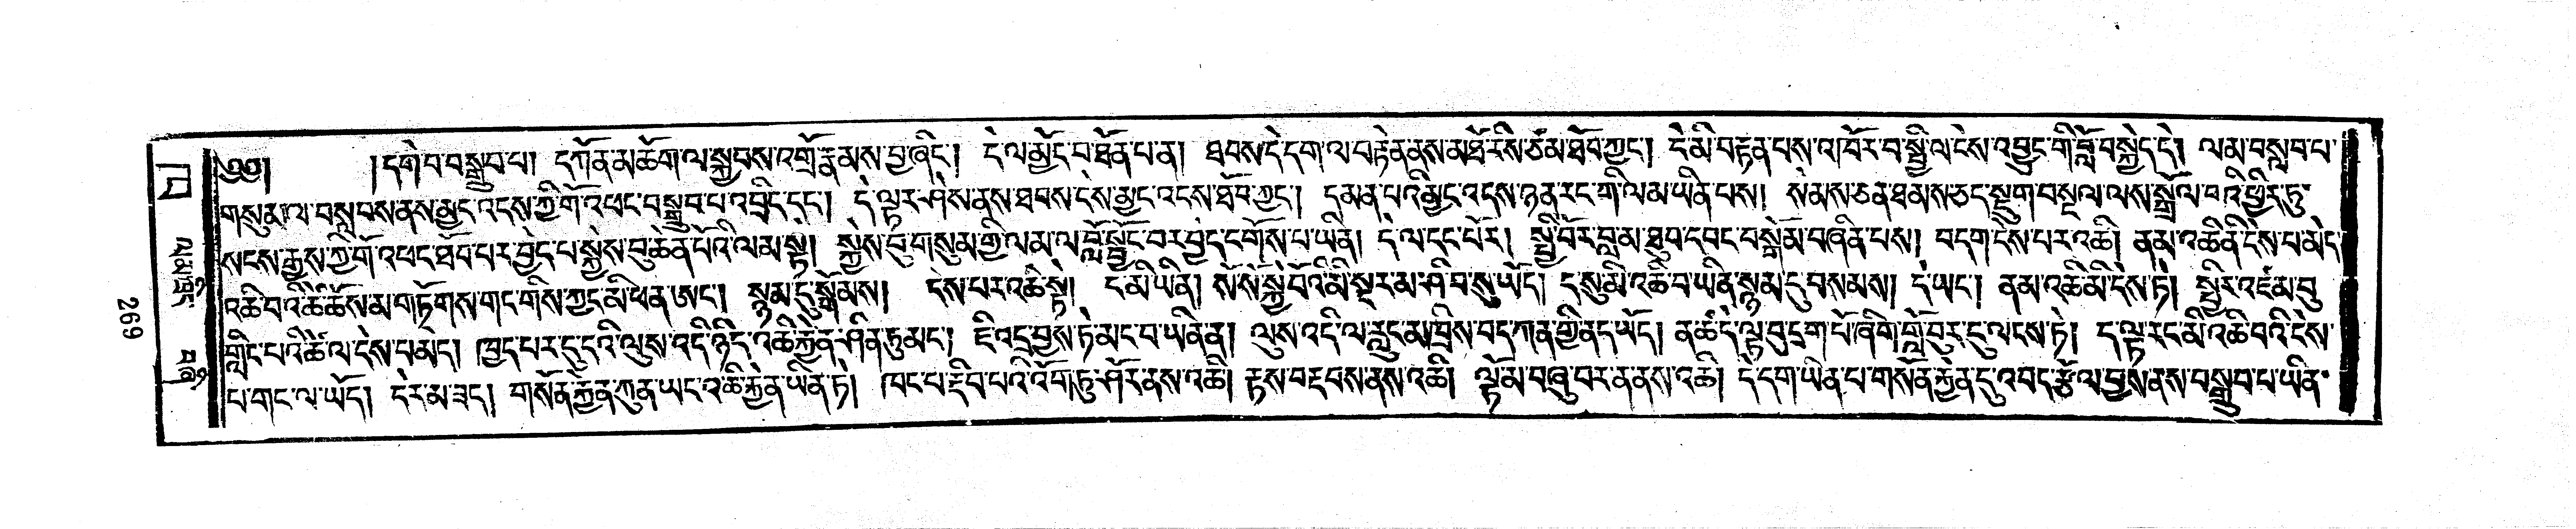༄༅། །དགེ་བ་བསྒྲུབ་པ། དཀོན་མཆོག་ལ་སྐྱབས་འགྲོ་རྣམས་བྱ་ཞིང་། དེ་ལ་མྱོང་བ་ཐོན་པ་ན། ཐབས་དེ་དག་ལ་བརྟེན་ནས་མཐོ་རིས་ཙམ་ཐོབ་ཀྱང་། དེ་མི་བརྟན་པས་འཁོར་བ་སྦྱི་ལ་ངེས་འབྱུང་གི་བློ་བསྐྱེད་དེ། ལམ་བསླབ་པ་
གསུམ་ལ་བསླབས་ནས་མྱང་འདས་ཀྱི་གོ་འཕང་བསྒྲུབ་པ་འབྲིང་དང་། དེ་ལྟར་ཤེས་ནས་ཐབས་ངེས་མྱུང་འདས་ཐོབ་ཀྱང་། དམན་པའི་མྱང་འདས་ཉན་རང་གི་ལམ་ཡིན་པས། སེམས་ཅན་ཐམས་ཅད་སྡུག་བསྔལ་ལས་སྒྲོལ་བའི་ཕྱིར་ཏུ་
སངས་རྒྱས་ཀྱི་གོ་འཕང་ཐོབ་པར་བྱེད་པ་སྐྱེས་བུ་ཆེན་པོའི་ལམ་སྟེ། སྐྱེས་བུ་གསུམ་གྱི་ལམ་ལ་བློ་སྦྱོང་བར་བྱེད་དགོས་པ་ཡིན། དེ་ལ་དང་པོར། སྤྱི་བོར་བླ་མ་ཐུབ་དབང་བསྒོམ་བཞིན་པས། བདག་ངེས་པར་འཆི། ནམ་འཆི་ནི་ངེས་པ་མེད་
འཆི་བའི་ཚེ་ཆོས་མ་གཏོགས་གང་གིས་ཀྱང་མི་ཕན་ཨང་། སྙམ་དུ་སྒོམས། དེས་པར་འཆི་སྟེ། ང་མི་ཡིན། སོ་སོ་སྐྱེ་བོའི་མི་སྔར་མ་ཤི་བ་སུ་ཡོད། ད་སུ་མི་འཆི་བ་ཡིན་སྙམ་དུ་བསམས། དེ་ཡང་། ནམ་འཆི་མི་ངེས་ཏེ། སྤྱིར་འཛམ་བུ་
གླིང་པའི་ཚེ་ལ་ངེས་པ་མེད། ཁྱད་པར་དུ་དའི་ལུས་འདི་ཉིད་འཆི་རྐྱེན་ཤིན་ཏུ་མང་། ཇི་འདྲ་བྱས་ཏེ་མང་བ་ཡིན་ན། ལུས་འདི་ལ་རླུང་མཁྲིས་བད་ཀན་གྱི་ནད་ཡོད། ན་ཚ་དེ་ལྟ་བུ་དྲག་པོ་ཞིག་གློ་བུར་ངུ་ལངས་ཏེ། ད་ལྟ་རང་མི་འཆི་བའི་ངེས་
པ་གང་ལ་ཡོད། དེར་མ་ཟད། གསོན་རྐྱེན་ཀུན་ཡང་འཆི་རྐྱེན་ཡིན་ཏེ། ཁང་པ་རྡིབ་པའི་འོག་ཏུ་ཤོར་ནས་འཆི། རྟས་བརྡབས་ནས་འཆི། ལྟོ་མ་བཞུ་བར་ན་ནས་འཆི། དེ་དག་ཡིན་པ་གསོན་རྐྱེན་དུ་འབད་རྩོལ་བྱས་ནས་བསྒྲུབ་པ་ཡིན་